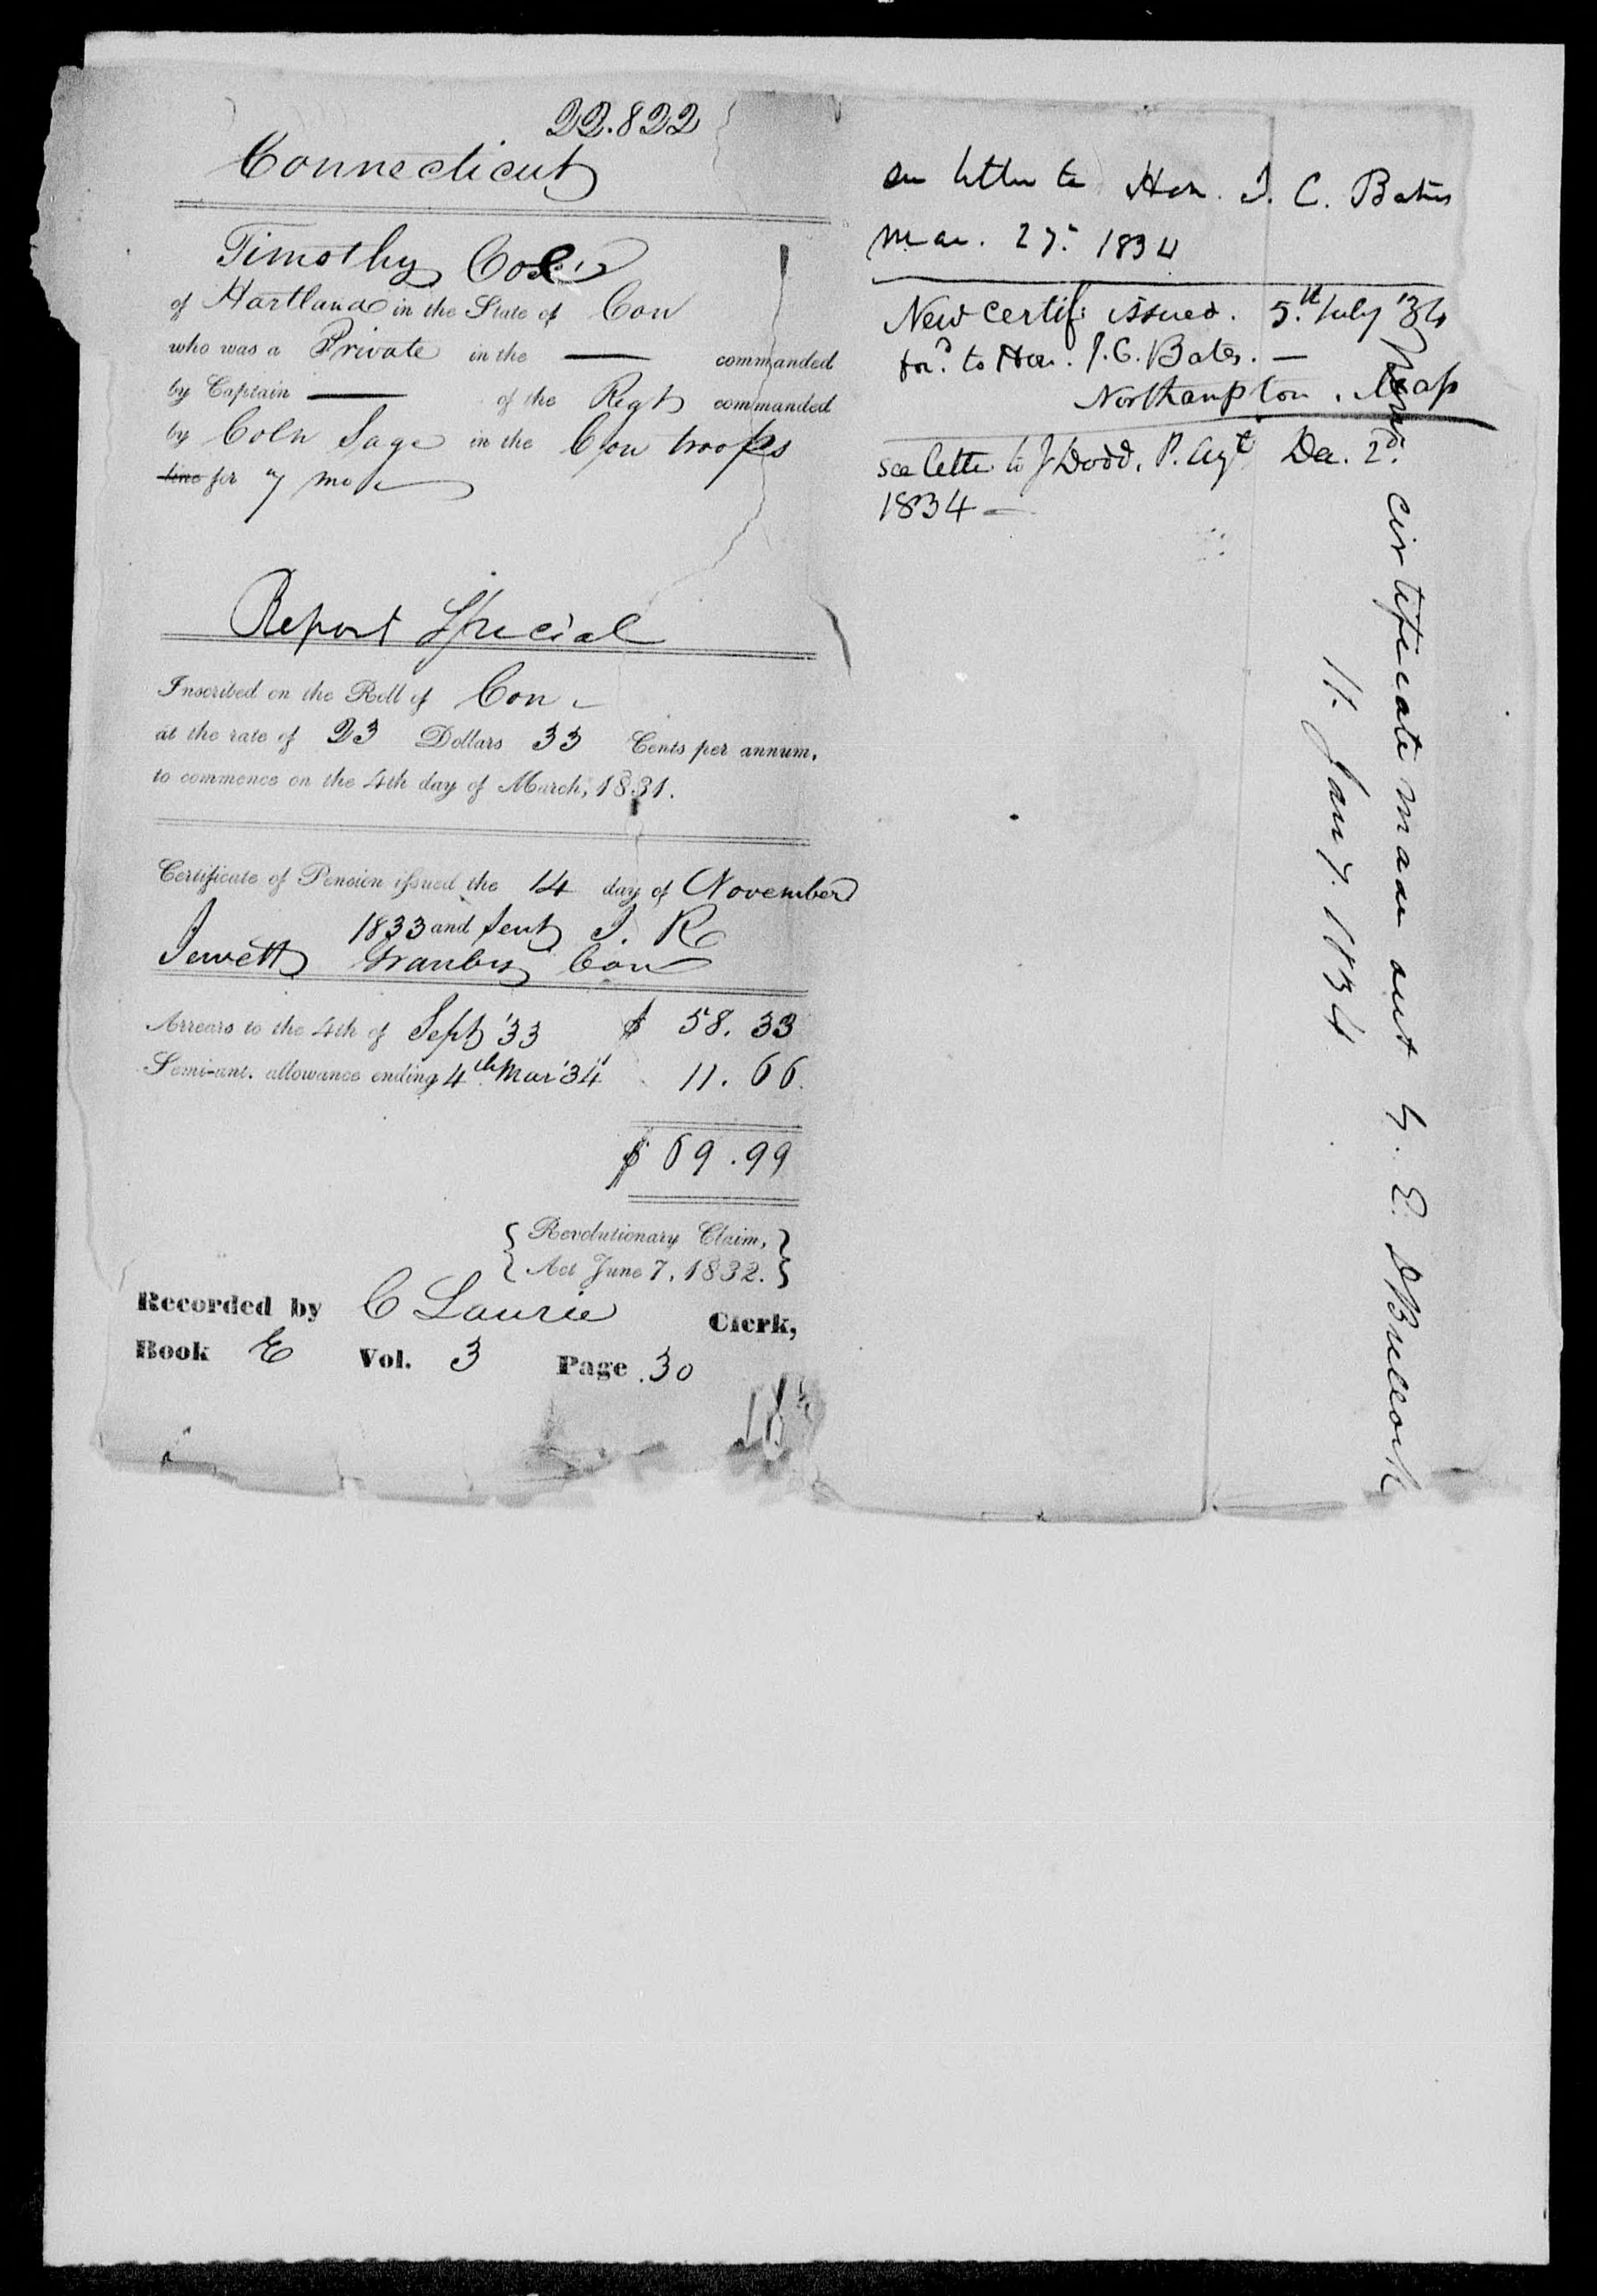22822
Connecticut
Timothy Coe 
of Hartland in the State of Con
who was a Private in the ---- commanded
by Captain ---- of the Regt commanded
by Colo Sage in the Con troops for 7 mos.

Report Special
Inscribed on the Roll of Conn
at the rate of 23 Dollars 33 Cents per annum,
to commence on the 4th day of March, 1831.

Certificate of Pension issued the 14 day of November 1833 and sent to J. R. Jewett Granby Con

Arrears to the 4th of Sept '33  $58.33
Semi-anl. allowance ending 4 Mar '34  11.66
                                           -------------------
                                                 $69.99

{Revolutionary Claim, Act June 7, 1832}
Recoded by C, Laurie Clerk,
Book E  Vol. 3  Page 30


see letter to Jon. J. C. Bates 
Mar. 27 1834
------------------------------
New certif issued 5th July '34
for'd to Hon. J. G. Bates
Northampton Mass
------------------------------
see letter to J. Dood, P. Agt Dec 2d 1834

new certificate made out to E. D. Bullock
11 Jan 7 1834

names: J R Jewett, I C Bates, C Laurie, E D Bullock, Timothy Coe, I C Bates, Sage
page: 54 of 76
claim: widow's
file: W. 5,250, Timothy Coe, Conn.